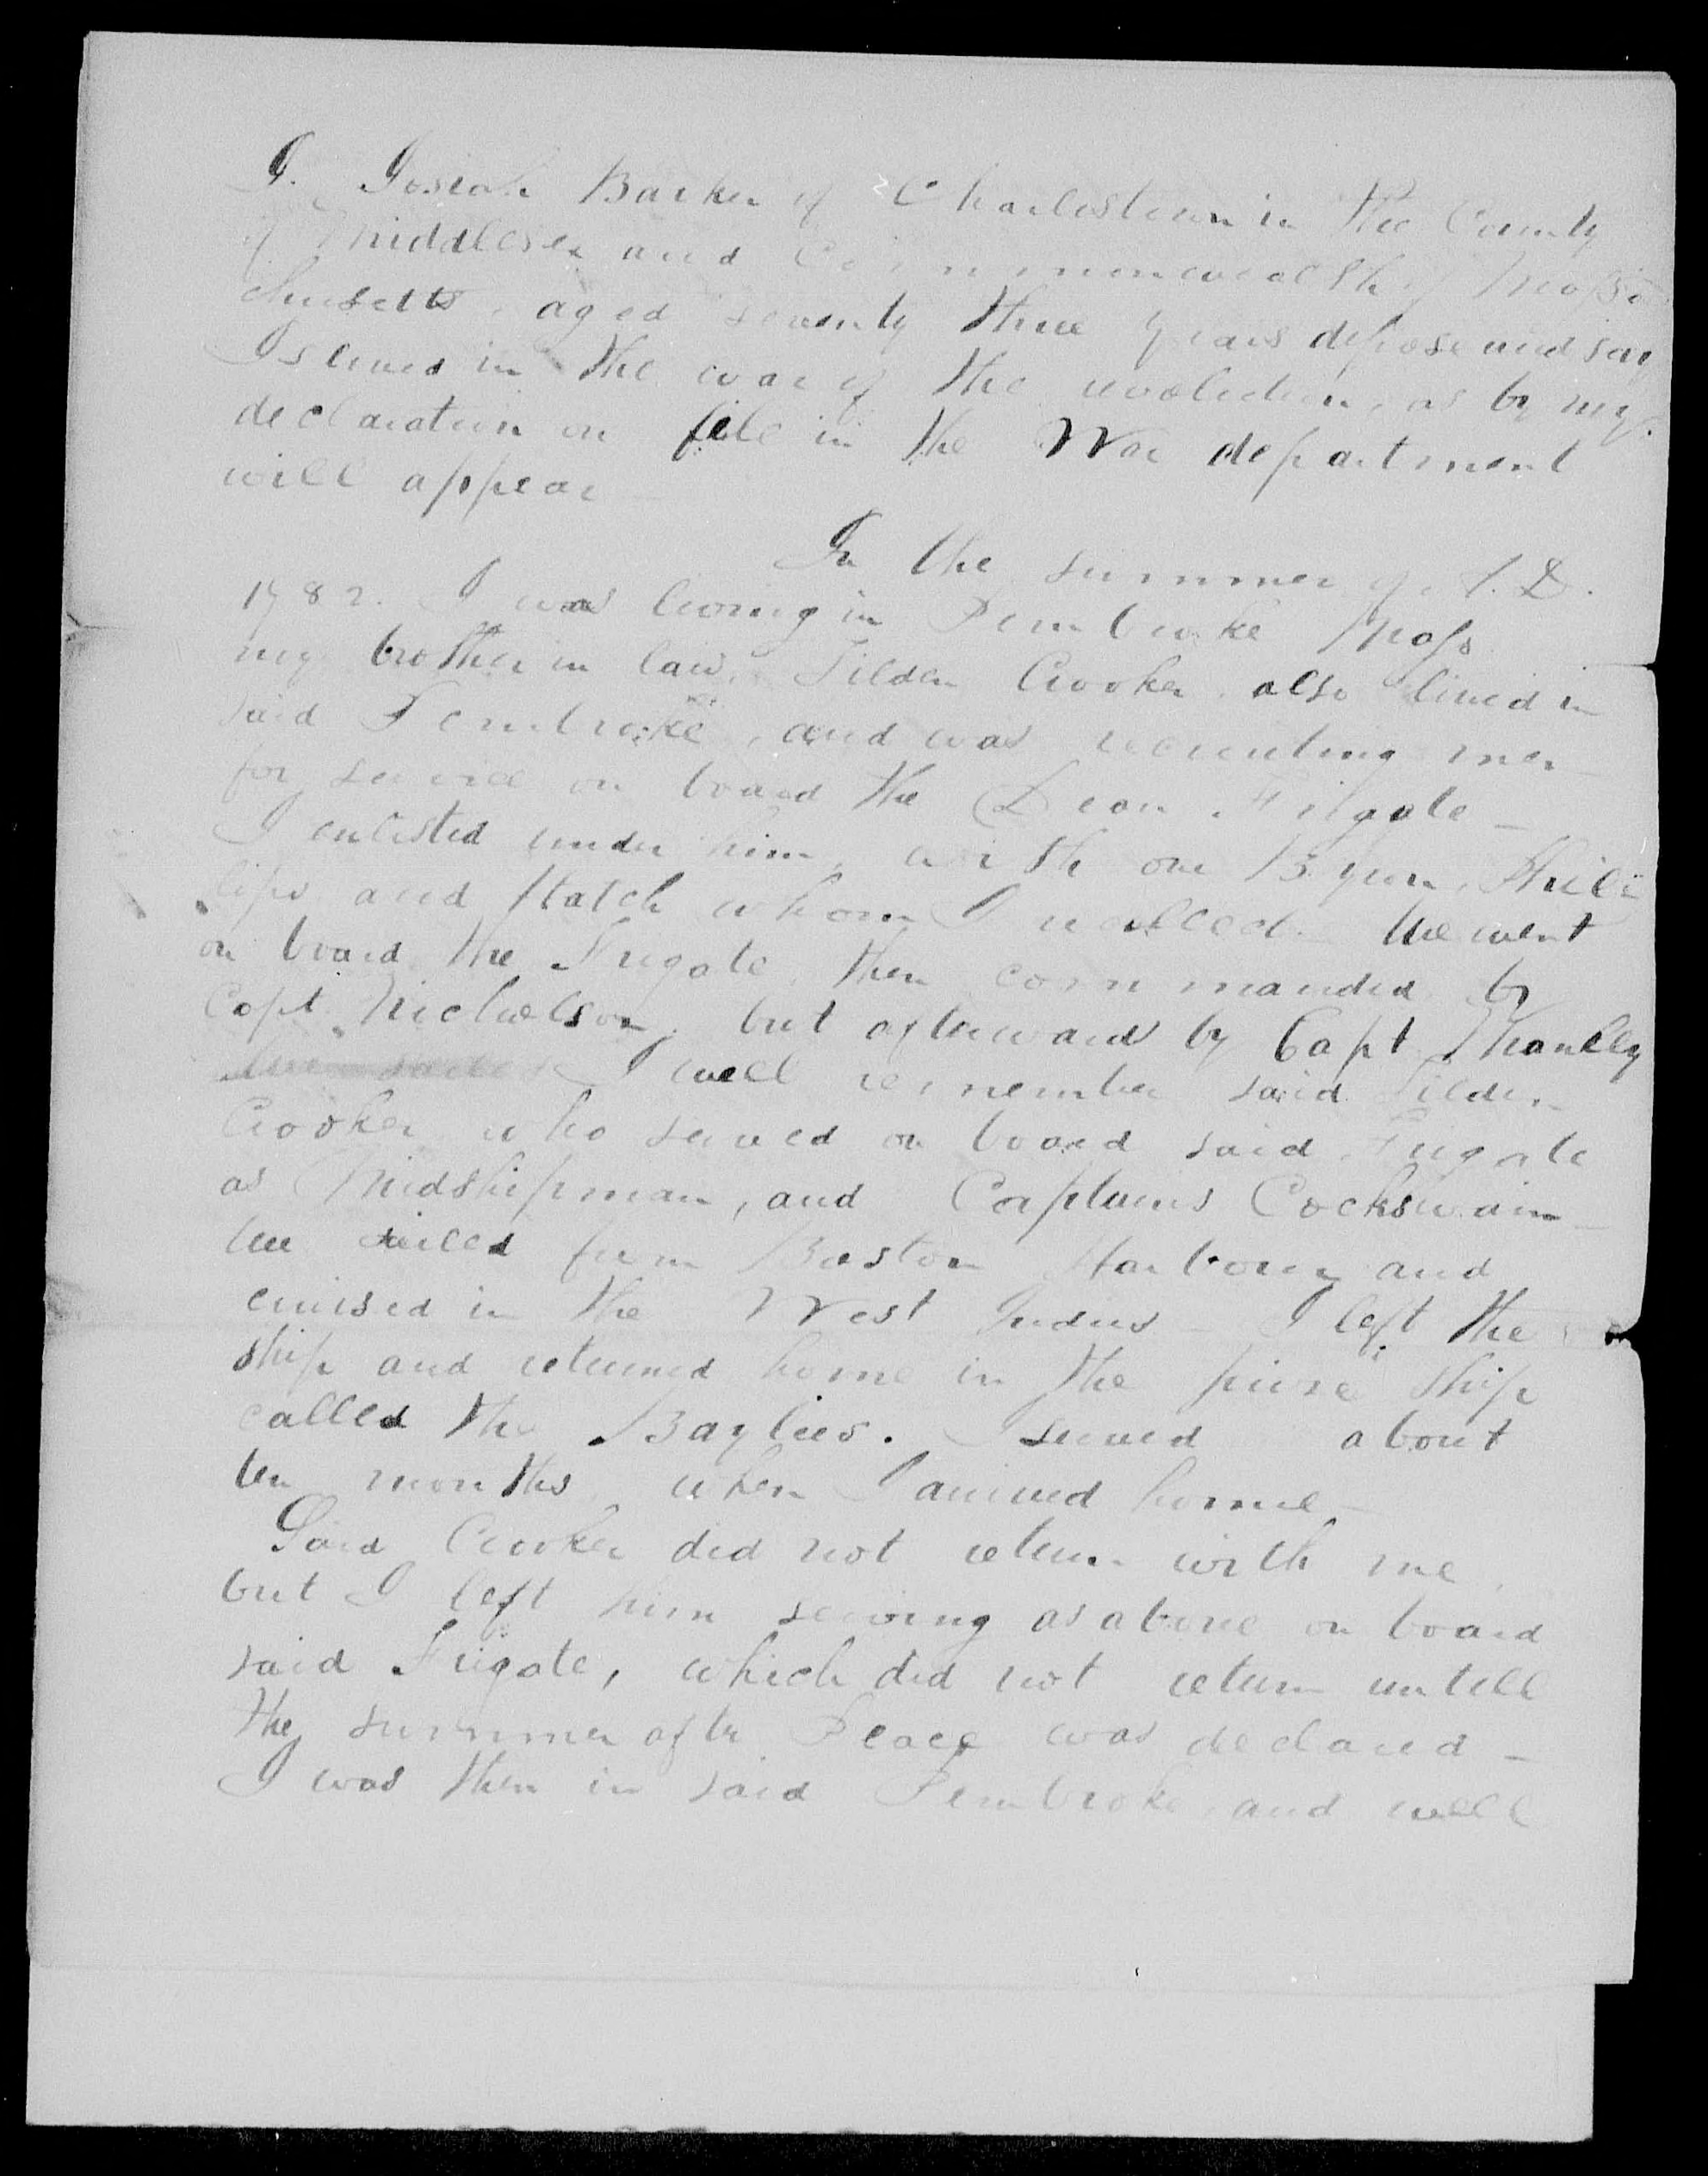I Josiah Barker of Charlestown in the County of Middlesex, and Commonwealth of Massachusetts aged seventy three years depose and say I served in the army of the revolution by my declaration on file in the War Department will appear.
In the summer of AD 1782 I was living in Pembroke Mass, my brother-in-law, Tilden Crooker, also lived in said Pembroke, and was recruiting men for service on board the Dean Frigate. I enlisted under him, as the one  13 year Philips and Hatch, whom I recollect he went on board the Frigate, then commanded by Capt. Nicholson, but afterwards by Capt. Thanley, I well remember said Tilden Crooker who served on board said Frigate as Midshipman, and Captains Cockswain. we sailed from Boston Harbor and cruised in the West Indies  - I left the ship and returned home in the prize ship called the Baylees.  I served about ten months when I arrived home.  
Said Crooker did not return with me but I left him serving as above on board said Frigate, which did not return untill the summer after Peace was declared - I was then in said Pembroke and well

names: Nicholson, Tilden Crooker, Tilden Crooker, Stranley, Cockson, Crooker, Josiah Barker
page: 17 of 33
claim: widow's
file: W. 22862, Tilden Crooker, Mass Navy